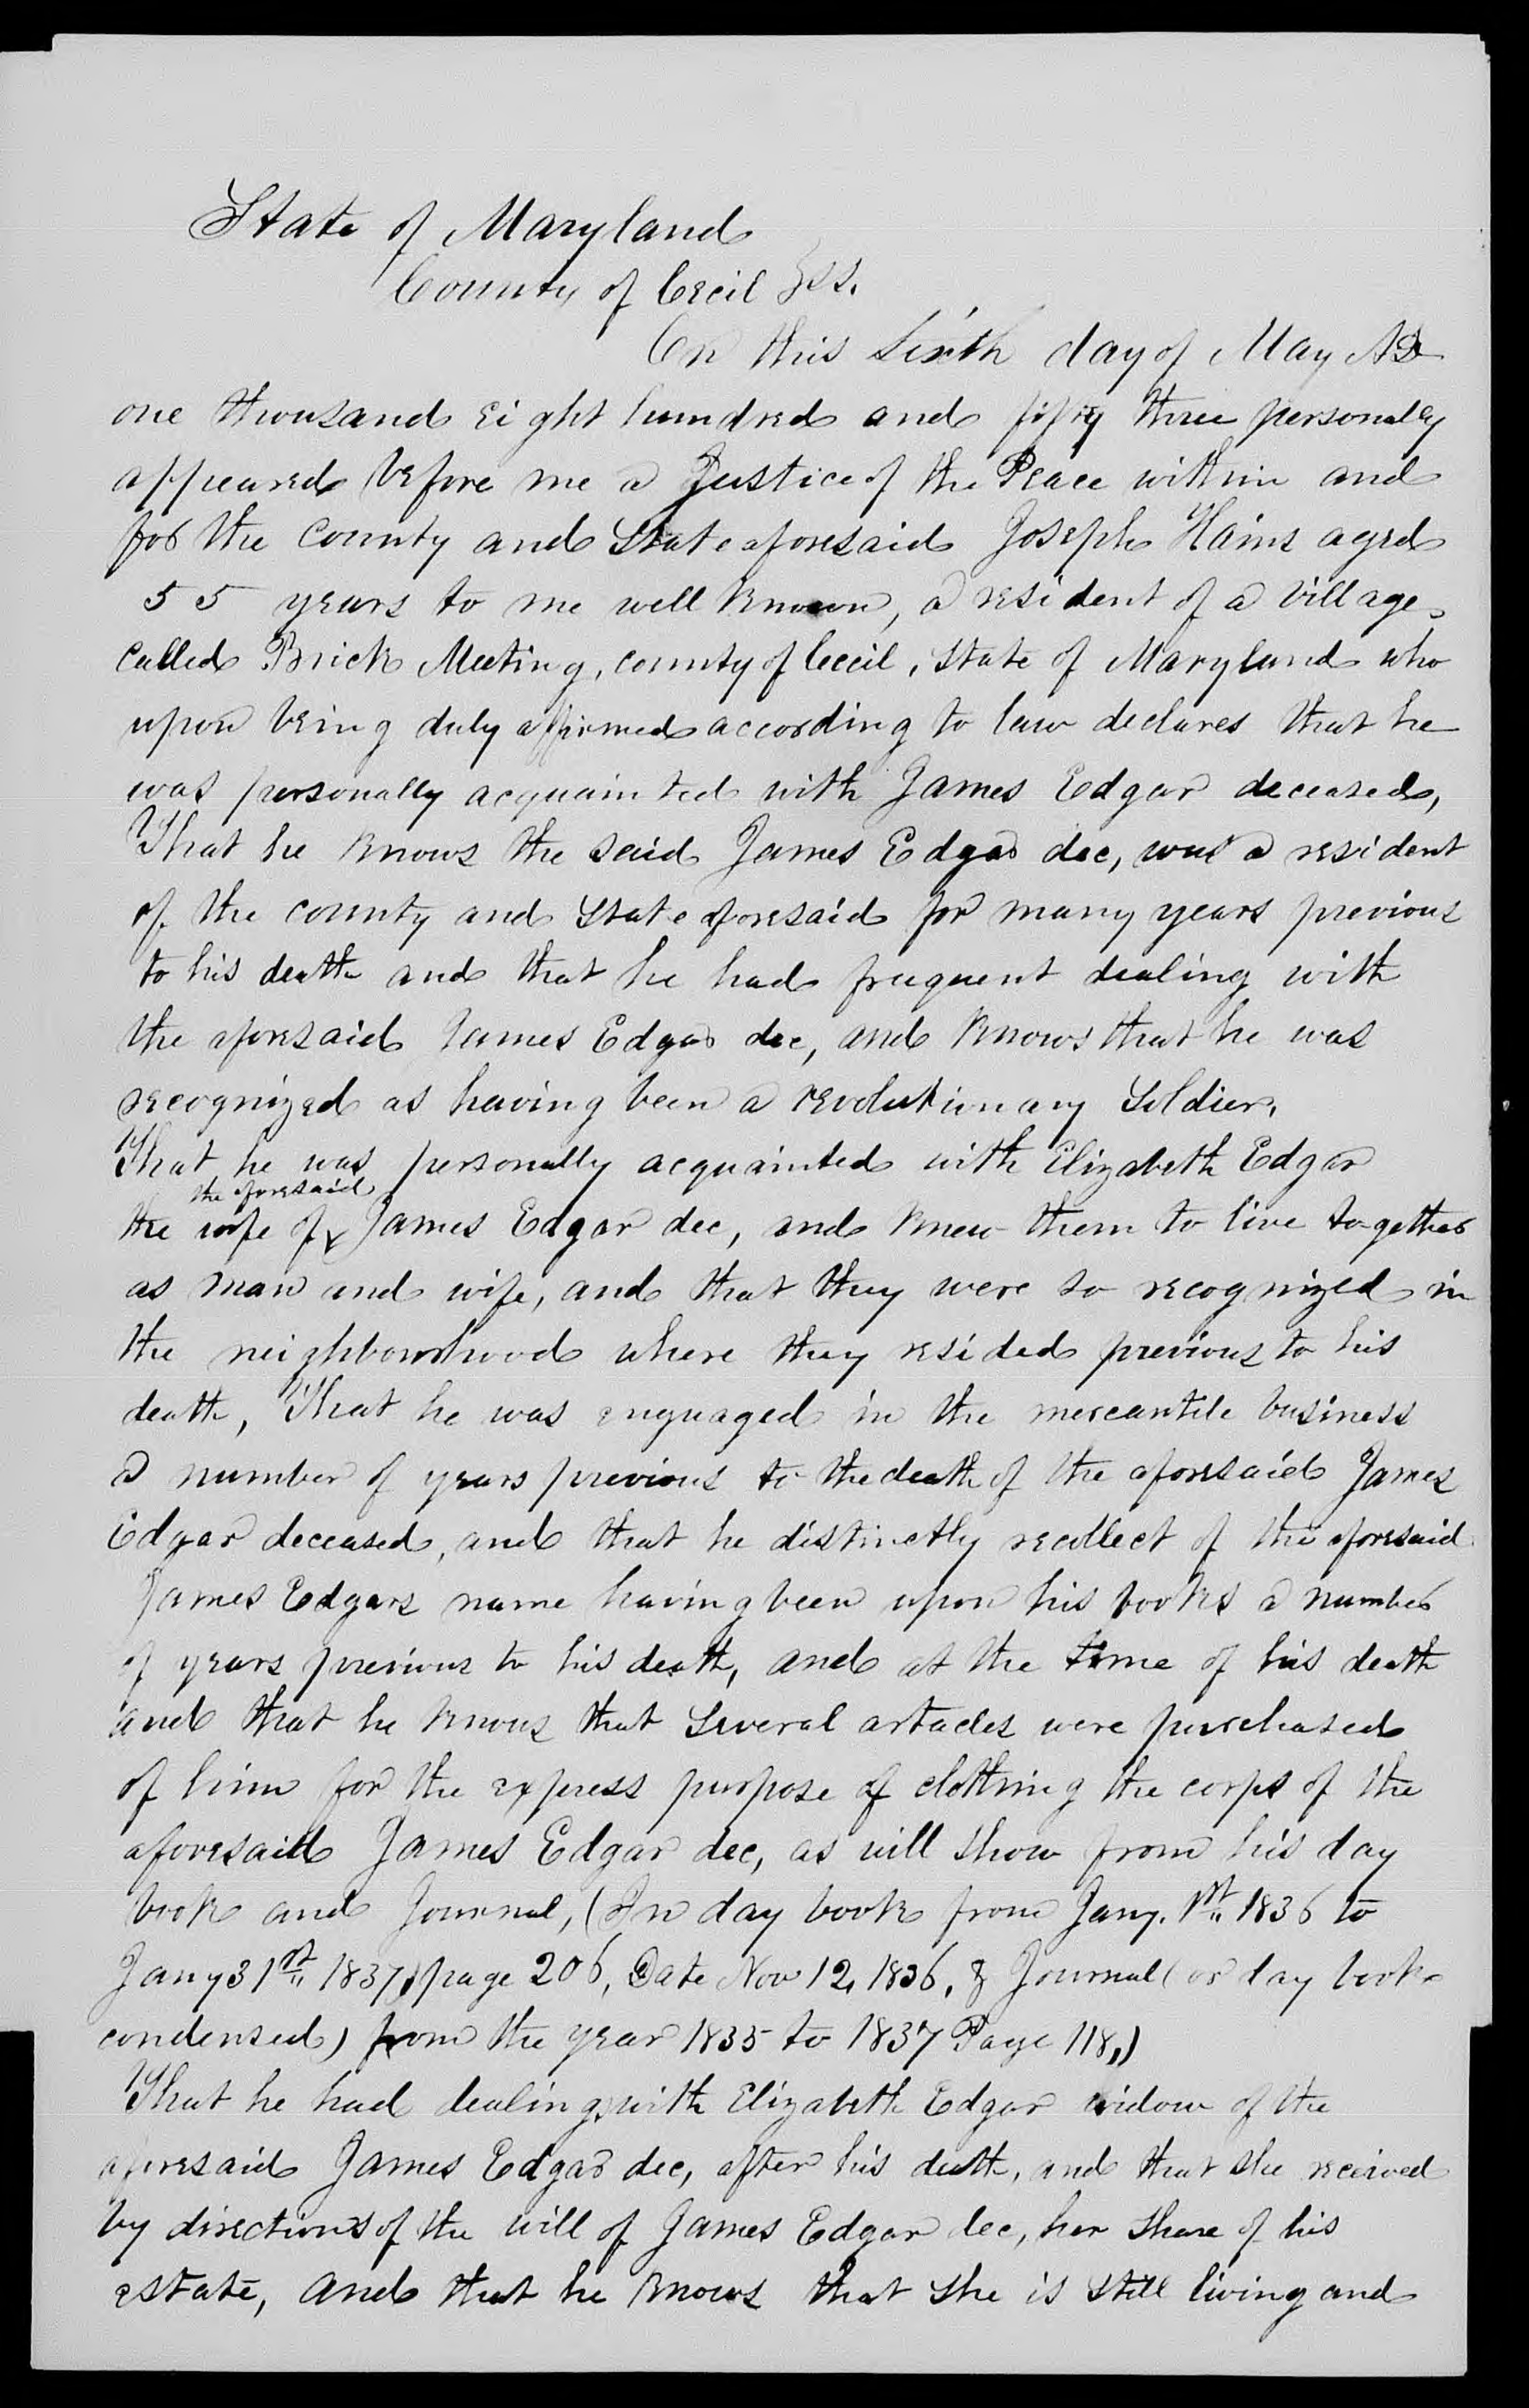State of Maryland
County of Cecil L.
On this sixth day of May AD
one thousand eight hundred and fifty three personally
appeared before me a Justice of the Peace within and
for the County and State aforesaid Joseph Hains agree
55 years to me well known, a resident of a village
called Brick Meeting, County of Cecil, State of Maryland who
upon being duly affirmed according to law declares that he
was personally acquainted with James Edgar deceased,
That he knows the said James Edgar dec, was a resident
of the County and State aforesaid for many years previous
to his death and that he had frequent dealing with
the aforesaid James Edgar dec, and knows that he was
recognized as having been a revolutionary soldier.
That he was personally acquainted with Elizabeth Edgar
the aforesaid
the wife of James Edgar dec, and knew them to live together
as man and wife, and that they were so recognized in
the neighborhood where they resided previous to his
death, That he was engaged in the mercantile business
number of years previous to the death of the aforesaid
James
Edgar deceased, and that he distinctly recollect of the aforesaid
James Edgar name having been upon his books a number
of years previous to his death, and at the time of his death
and that he knows that several articles were purchased
of him for the express purpose of clothing the corpse of the
aforesaid James Edgar dec, as will show from his day
book and Journal, (In day book from Jany 1st 1836 to
Jany 31st 1837 page 206, Date Nov 12 1836. ⎬ Journal or day book
condensed) from the year 1835 to 1837 Page 118)
That he had dealings with Elizabeth Edgar widow of the
aforesaid James Edgar dec, after his death, and that she received
by directions of the will of James Edgar dec, her share of his
Estate, and that he knows that she is still living and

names: James Edgar, James Edgar, Joseph Hains, James Edgar, Elizabeth Edgar, James Edgar, James Edgar, Elizabeth Edgar, James Edgar, James Edgar, James Edgar, James Edgar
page: 47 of 74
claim: widow's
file: W. 9422, James Edgar, Penn.